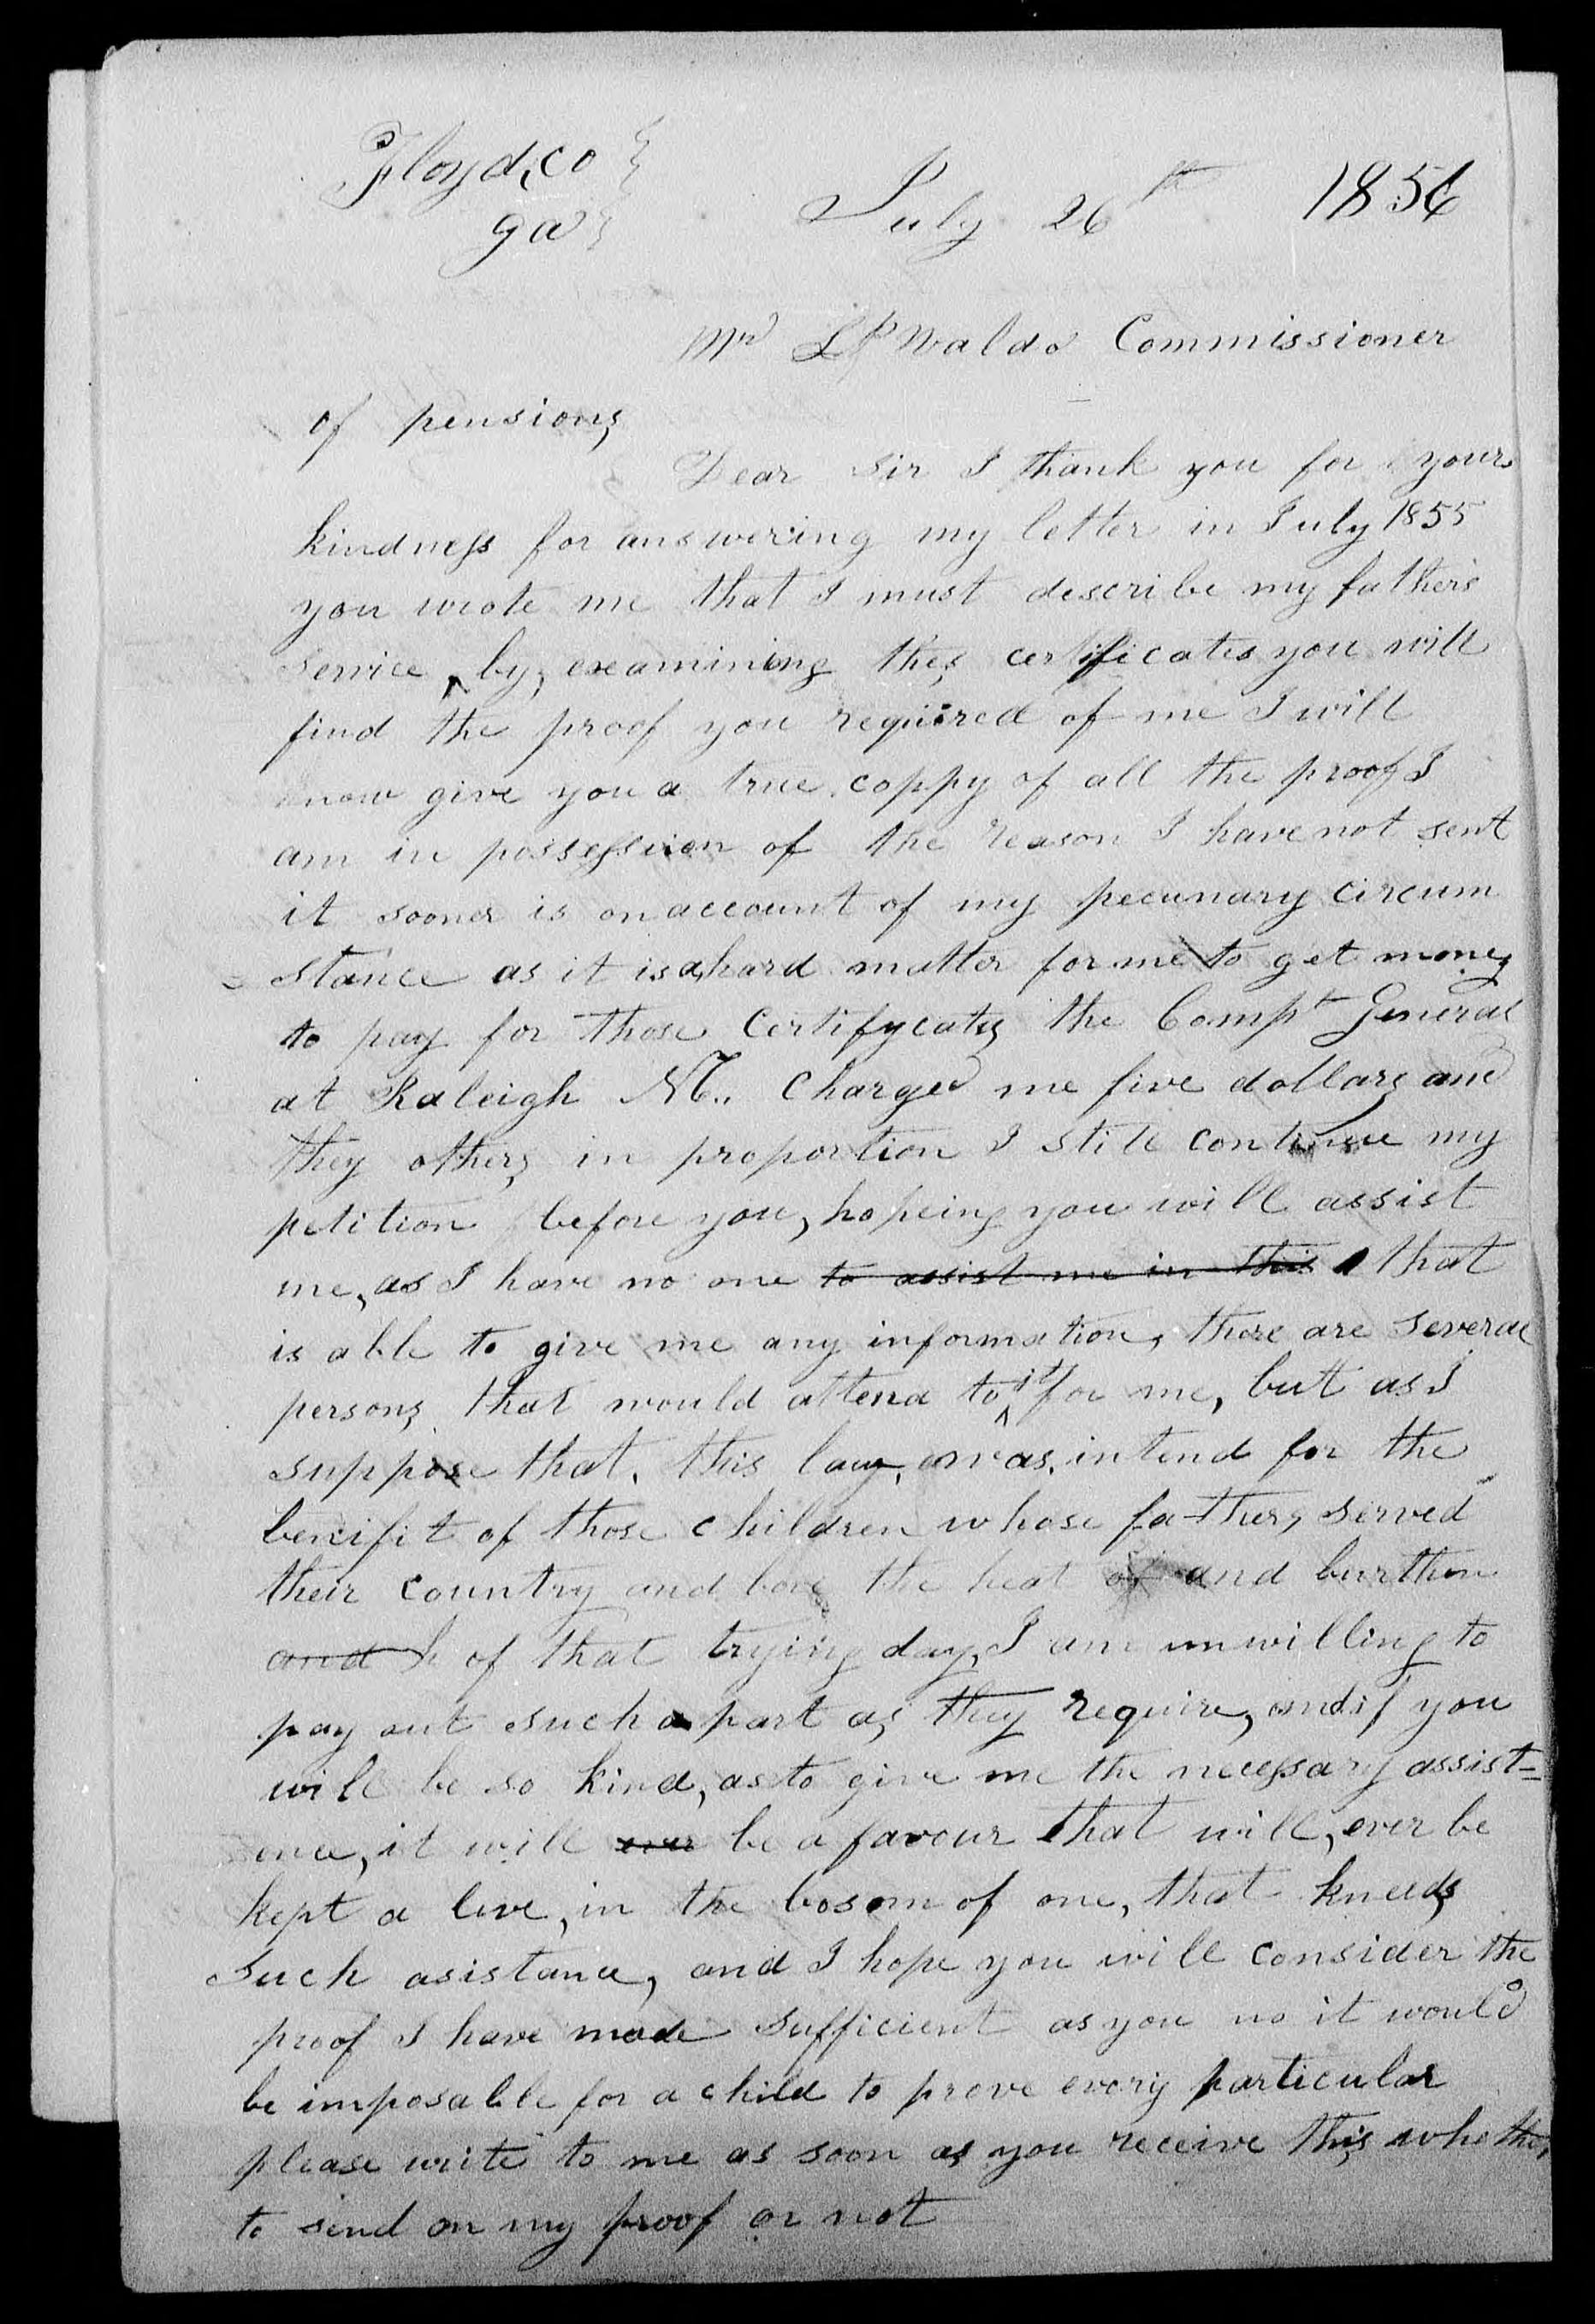Floyd Co Ga July 26th 1856

Mr. L.P. Waldo Commissioner of pensions
Dear Sir  I thank you for your kindness for answering my letter in July 1855 you wrote me that I must describe my father's service by examining this certificate you will find the proof you required of me. I will now give you a true coppy of all the proof I am in possession of The reason I have not sent it sooner is on account of my pecunary circumstance as it is a hard matter for me to get money to pay for these certificates the Compt General at Raleigh N.C. charges me five dollars and they others in proportion I still continue my petition before you, hoping you will assist me, as I have no one that is able to give me any information. There are several persons that would attend to it for me, but as I suppose that this law  was intended for the benefit of those children whose fathers served their country and bore the heat and burden of that trying day, I am unwilling to pay out such a part as they require, and if you will be so kind, as to give me the necessary assistance, it will be a favour that will ever be kept alive in the bosom of one that kneeds such asistance, and I hope you will consider the proof I have made sufficient as you no it would be imposable for a child to prove every particular  please write to me as soon as you receive this whether to send on any proof or not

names: L P Waldo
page: 8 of 32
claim: rejected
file: R. 4655, Jesse Harris, N.C.